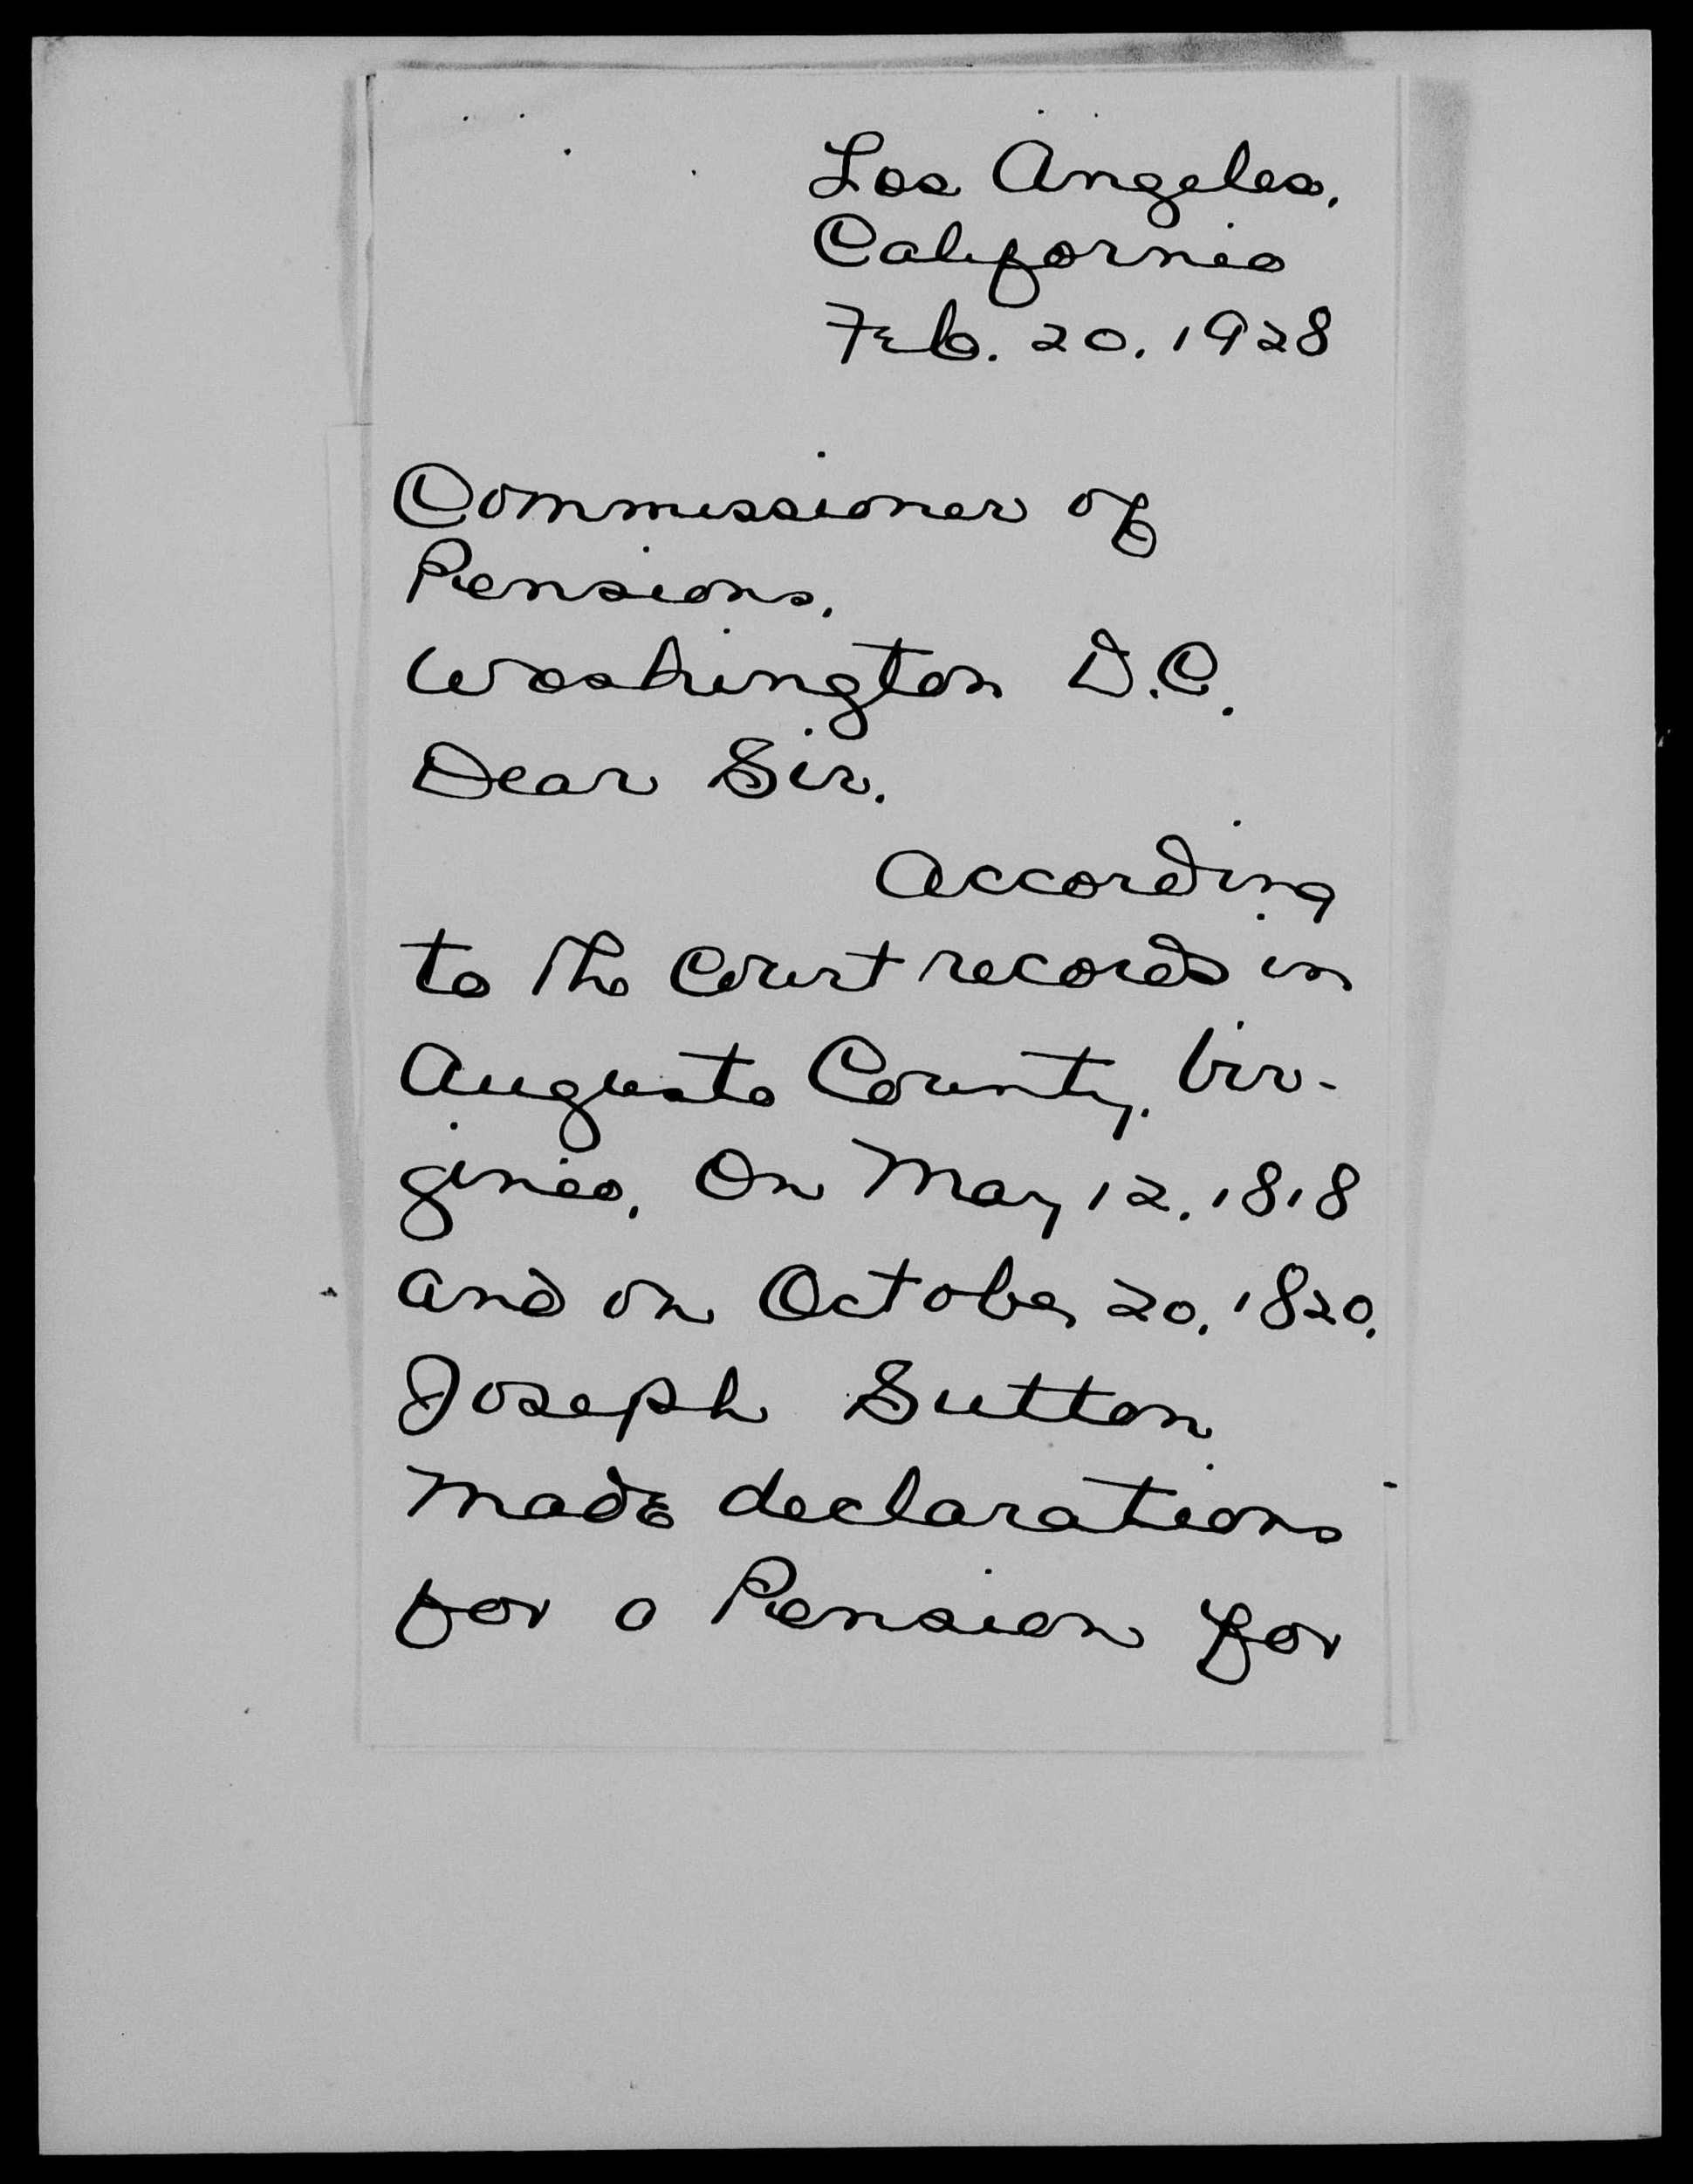Los Angeles
California
February 20, 1928

Commissioner of Pensions
Washington D.C.

Dear Sir,

According to the court records in August County recorded on May 12, 1818 and on October 20, 1820 Joseph Sutton made declaration for a pension for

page: 16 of 21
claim: survivor's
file: S. 41223, for Joseph Sutton, Virginia